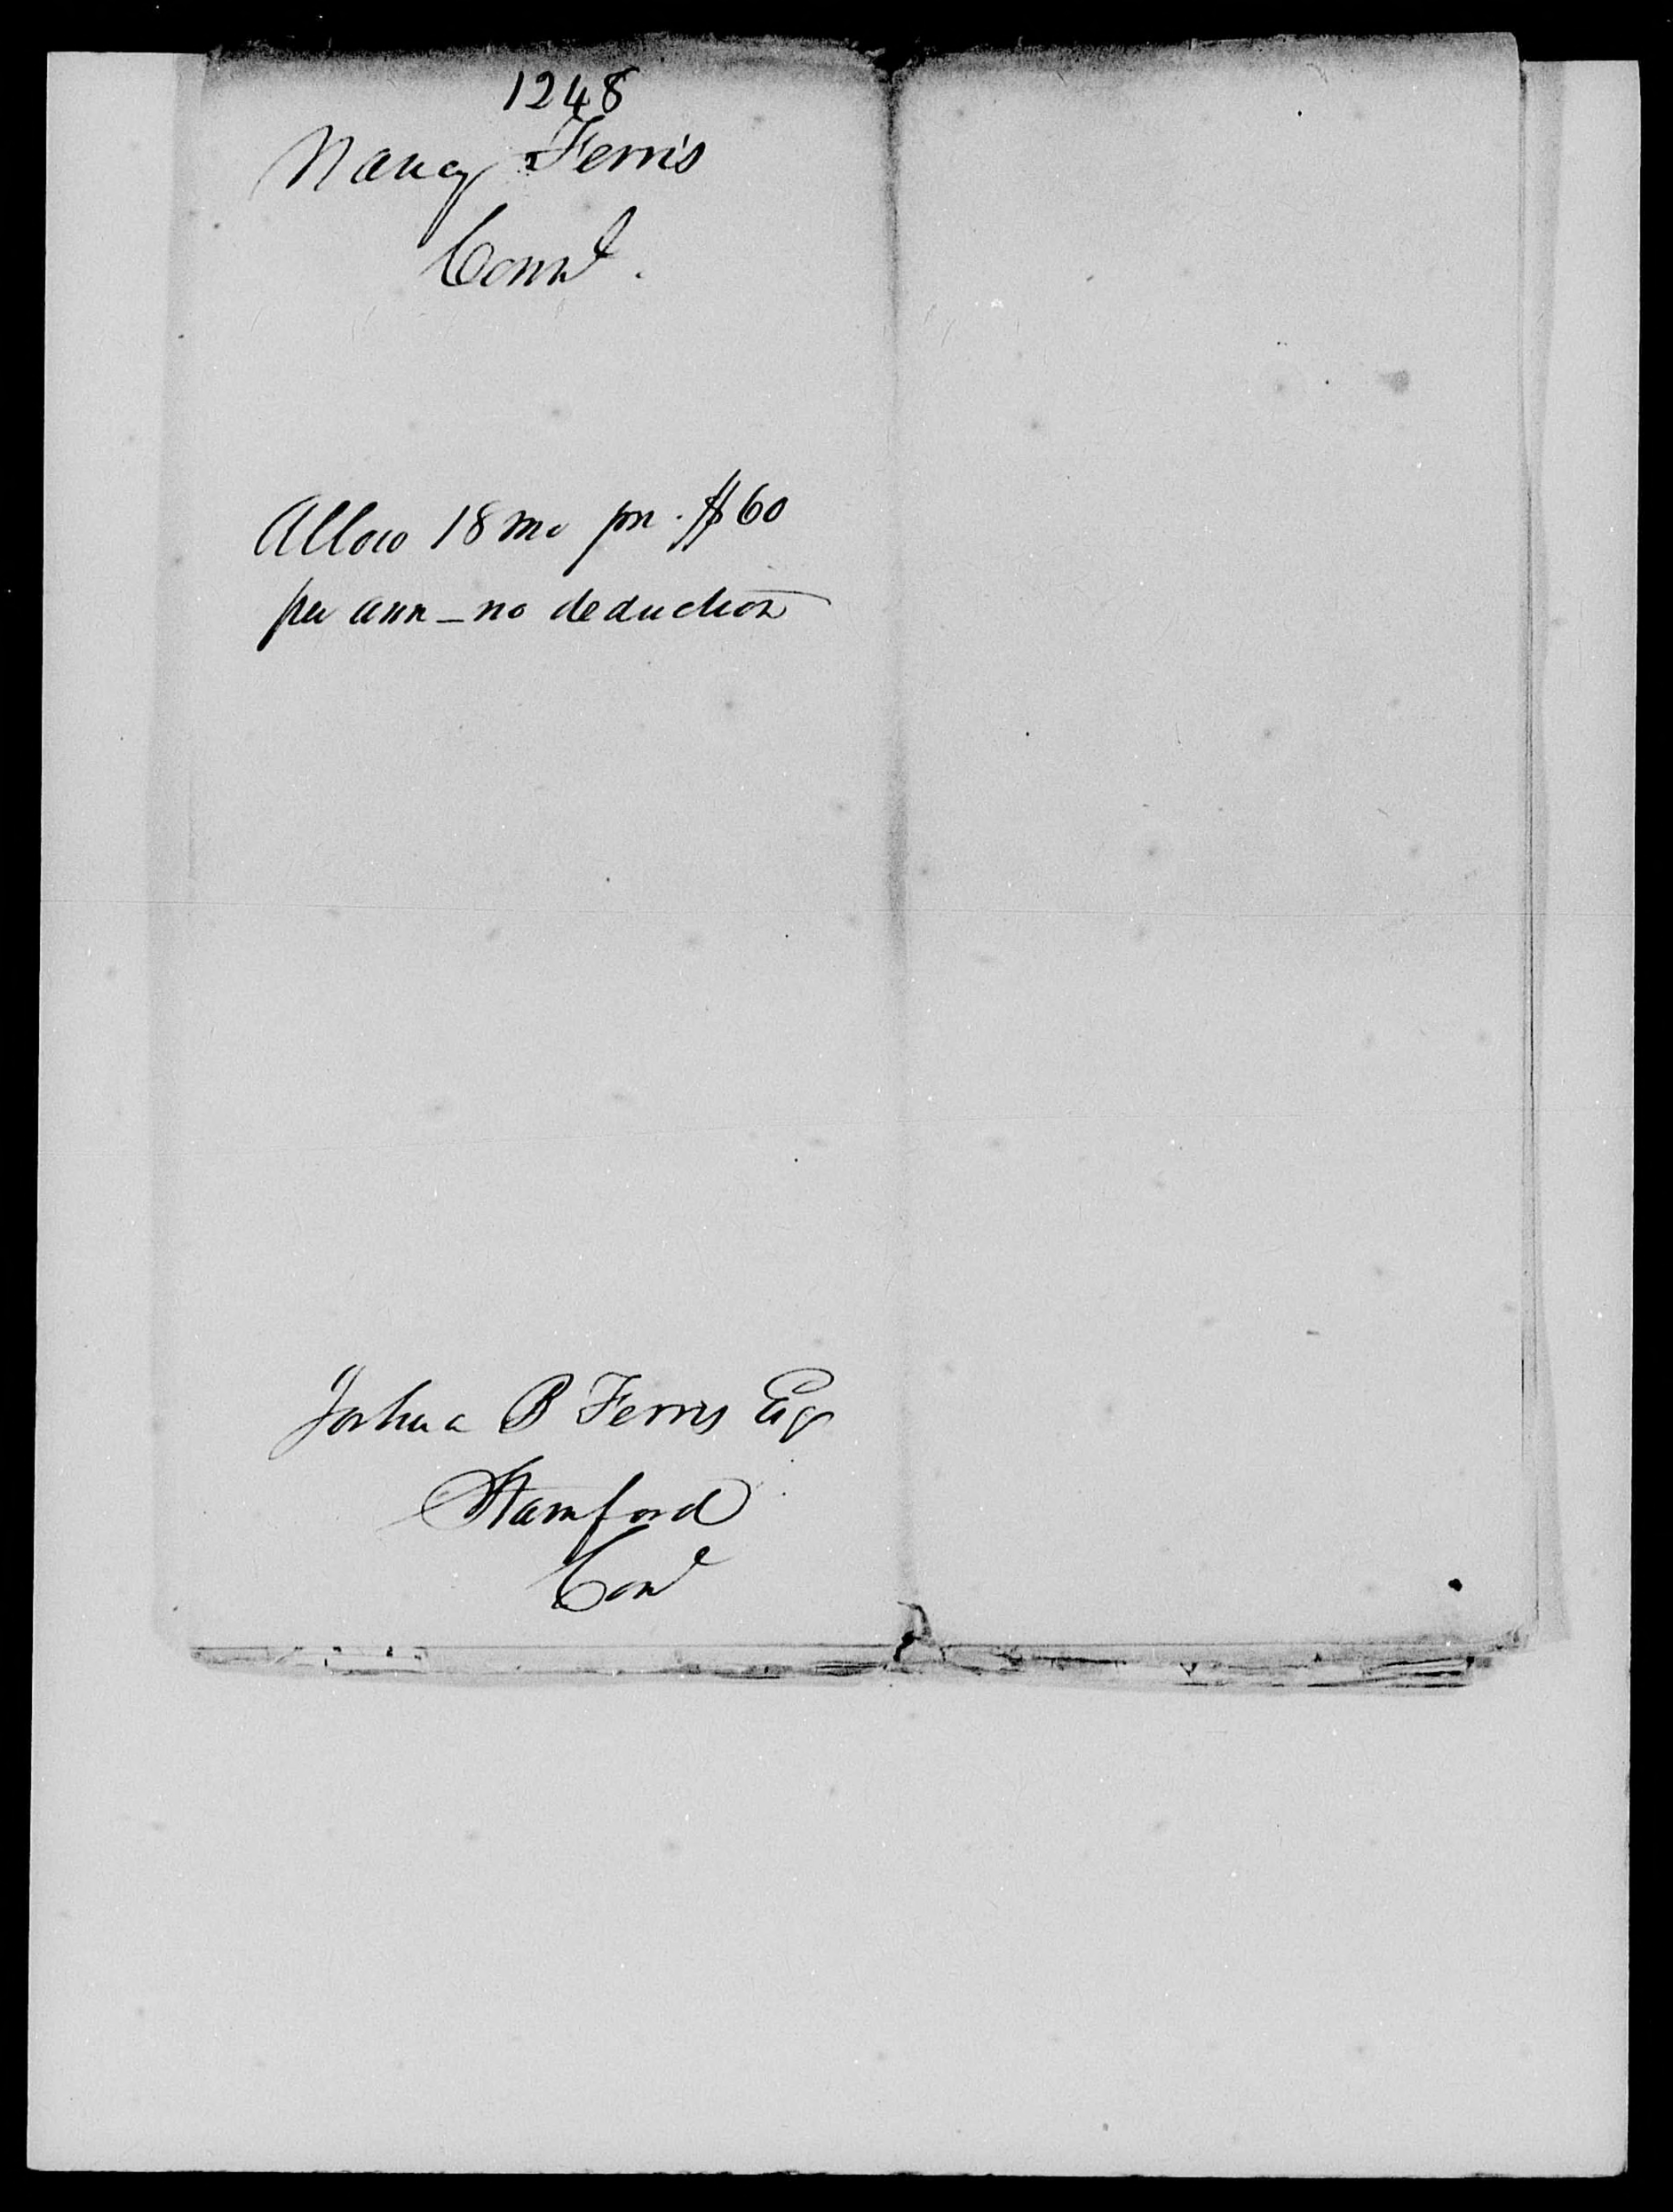1248
Nancy Ferris
Connt.

Alloco 18 mo pn. $60 per ann - no deduction

Joshua B Ferris Esq
Stamford
Cont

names: Nancy Ferris, Joshua B Ferris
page: 6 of 14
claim: widow's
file: W. 17897, Jeremiah Ferris, Conn.